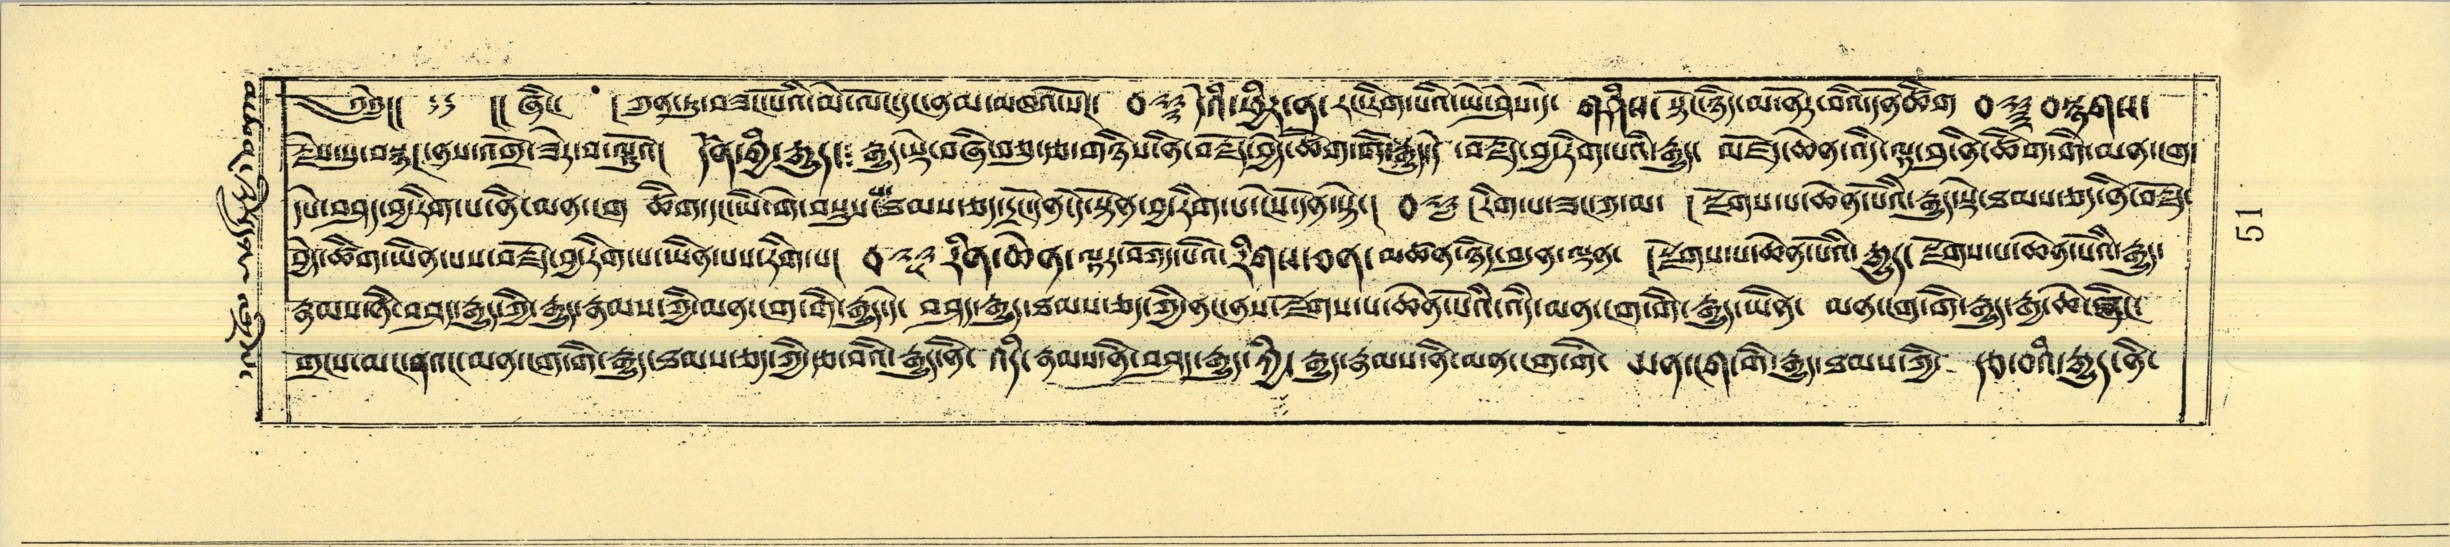ཞིང་། ཀུན་ཏུ་བཟང་པོའི་མེ་ལོང་དང་ནམ་མཁའ་སོགས་ བ༢༢།༢ ༼དེའི་ཕྱིར་ན༽རང་རིག་པའི་ཡེ་ཤེས་དེ་ ༼གཤིས༽སྟོང་ཉིད་མ་ནོར་བའི་དོན་ཚིག་ བ༢༢།༣༼བསྙགས༽
རྗེས་སུ་བསྙགས་ནས་འགྲོ་ཟེར་བ་ལྟ་བུའོ། ༼དོན་གྱི་རྒྱུད༽རྒྱུད་སྡེ་བཞི་བཅུ་རྩ་གཉིས་ནི་རྗོད་བྱེད་ཚིག་གི་རྒྱུད་དེ་ བརྗོད་བྱ་རིག་པའི་རྒྱུད་ མཛོད་ཆེན་འདི་ལྟ་བུ་ནི་ཚིག་མི་མན་ངག་
དཔེ་བཤད་བྱ་རིག་པ་ནི་མན་ངག་ ཚིག་དང་ཡི་གེས་བསྡུས་པ་ཐམས་ཅད་དྲང་དོན་དེ་སྟོན་བྱ་རིག་པ་ངེས་དོན་སྟེ་ བ༢༢།༤ རིག་པ་ཟང་ཀ་མ་ རྫོགས་པ་ཆེན་པོའི་རྒྱུད་སྡེ་ཐམས་ཅད་ནི་རྗོད་
བྱེད་ཚིག་ཡིན་པས་བརྗོད་བྱ་རིག་པ་ཡིན་པས་ བ༢༢།༥ ༼རིན་ཆེན༽ལྟར་བཀོད་པའི་༼རིགས་ཅན༽མཚན་ཉིད་བདུན་ལྡན་ རྫོགས་པ་ཆེན་པོའི་༼རྒྱུད༽རྫོགས་པ་ཆེན་པོའི་རྒྱུད་
རྣམས་ནི་བཤད་རྒྱུད་ཀྱི་རྒྱུད་རྣམས་ཀྱི་མན་ངག་གི་རྒྱུད་དེ། བཤད་རྒྱུད་རྣམས་ཀྱི་ནང་ནས་རྫོགས་པ་ཆེན་པོ་འདི་མན་ངག་གི་རྒྱུད་ཡིན། མན་ངག་གི་རྒྱུད་རྒྱ་ཆེ་ཞིང་
གྲངས་མང་ནའང་མན་ངག་གི་རྒྱུད་ཐམས་ཅད་ཀྱི་རྩ་བའི་རྒྱུད་ནི་༼འདི༽རྣམས་ནི་བཤད་རྒྱུད་༼ཀྱི་༽རྒྱུད་རྣམས་ནི་མན་ངག་གི ༼མན་ངག་གི༽རྒྱུད་ཐམས་ཅད་ཀྱི་༼རྩ་བའི་རྒྱུད༽ནི་